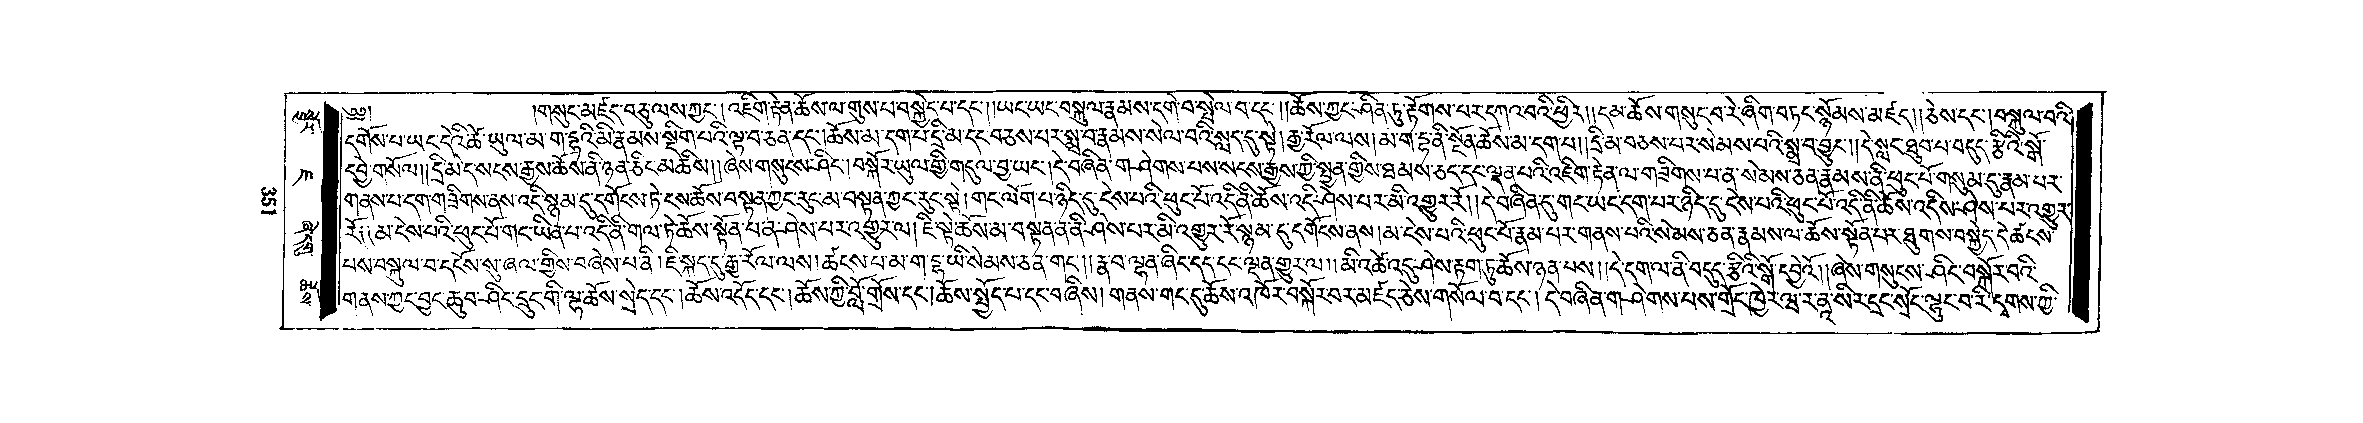༄༅། །གསུང་མཛད་བཅུ་ལས་ཀྱང་། འཇིག་རྟེན་ཆོས་ལ་གུས་པ་བསྐྱེད་པ་དང་། །ཡང་ཡང་བསྐུལ་རྣམས་དགེ་བ་སྤེལ་བ་དང་། །ཆོས་ཀྱང་ཤིན་ཏུ་རྟོགས་པར་དཀའ་བའི་ཕྱིར། །དམ་ཆོས་གསུང་བ་རེ་ཞིག་བཏང་སྙོམས་མཛད། །ཅེས་དང་། བསྐུལ་བའི་
དགོས་པ་ཡང་དེའི་ཚེ་ཡུལ་མ་ག་དྷའི་མི་རྣམས་སྡིག་པའི་ལྟ་བ་ཅན་དང་། ཆོས་མ་དག་པ་དྲི་མ་དང་བཅས་པར་སྨྲ་བ་རྣམས་སེལ་བའི་སླད་དུ་སྟེ། རྒྱ་རོལ་ལས། མ་ག་དྷ་ནི་སྔོན་ཆོས་མ་དག་པ། །དྲི་མ་བཅས་པར་སེམས་པའི་སྨྲ་བ་བྱུང་། །དེ་སླང་ཐུབ་པ་བདུད་རྩིའི་སྒོ་
དབྱེ་གསོལ། །དྲི་མེད་སངས་རྒྱས་ཆོས་ནི་ཉན་ཅིང་མཆིས། །ཞེས་གསུངས་ཤིང་། བསྐོར་ཡུལ་གྱི་གདུལ་བྱ་ཡང་། དེ་བཞིན་གཤེགས་པས་སངས་རྒྱས་ཀྱི་སྤྱན་གྱིས་ཐམས་ཅད་དང་ལྡན་པའི་འཇིག་རྟེན་ལ་གཟིགས་པ་ན་སེམས་ཅན་རྣམས་ནི་ཕུང་པོ་གསུམ་དུ་རྣམ་པར་
གནས་པ་དག་གཟིགས་ནས་འདི་སྙམ་དུ་དགོངས་ཏེ་ངས་ཆོས་བསྟན་ཀྱང་རུང་མ་བསྟན་ཀྱང་རུང་སྟེ། གང་ལོག་པ་ཉིད་དུ་ངེས་པའི་ཕུང་པོ་འདི་ནི་ཆོས་འདི་ཤེས་པར་མི་འགྱུར་རོ། །དེ་བཞིན་དུ་གང་ཡང་དག་པར་ཉིད་དུ་ངེས་པའི་ཕུང་པོ་འདི་ནི་ཆོས་འདིས་ཤེས་པར་འགྱུར་
རོ། །མ་ངེས་པའི་ཕུང་པོ་གང་ཡིན་པ་འདི་ནི་གལ་ཏེ་ཆོས་སྟོན་པ་ན་ཤེས་པར་འགྱུར་ལ། ཇི་སྟེ་ཆོས་མ་བསྟན་ན་ནི་ཤེས་པར་མི་འགྱུར་རོ་སྙམ་དུ་དགོངས་ནས། མ་ངེས་པའི་ཕུང་པོ་རྣམ་པར་གནས་པའི་སེམས་ཅན་རྣམས་ལ་ཆོས་སྟོན་པར་ཐུགས་བསྐྱེད་དེ་ཚངས་
པས་བསྐུལ་བ་དངོས་སུ་ཞལ་གྱིས་བཞེས་པ་ནི། ཇི་སྐད་དུ་རྒྱ་རོལ་ལས། ཚངས་པ་མ་ག་དྷ་ཡི་སེམས་ཅན་གང་། །རྣ་བ་ལྷན་ཞིང་དད་དང་ལྡན་གྱུར་ལ། །མི་འཚེ་འདུ་ཤེས་རྟག་ཏུ་ཆོས་ཉན་པས། །དེ་དག་ལ་ནི་བདུད་རྩིའི་སྒོ་དབྱེའོ། །ཞེས་གསུངས་ཤིང་བསྐོར་བའི་
གནས་ཀྱང་བྱང་ཆུབ་ཤིང་དྲུང་གི་ལྷ་ཆོས་སྲེད་དང་། ཆོས་འདོད་དང་། ཆོས་ཀྱི་བློ་གྲོས་དང་། ཆོས་སྤྱོད་པ་དང་བཞིས། གནས་གང་དུ་ཆོས་འཁོར་བསྐོར་བར་མཛད་ཅེས་གསོལ་བ་དང་། དེ་བཞིན་གཤེགས་པས་གྲོང་ཁྱེར་ཝ་ར་ནཱ་སིར་དྲང་སྲོང་ལྷུང་བ་རི་དྭགས་ཀྱི་